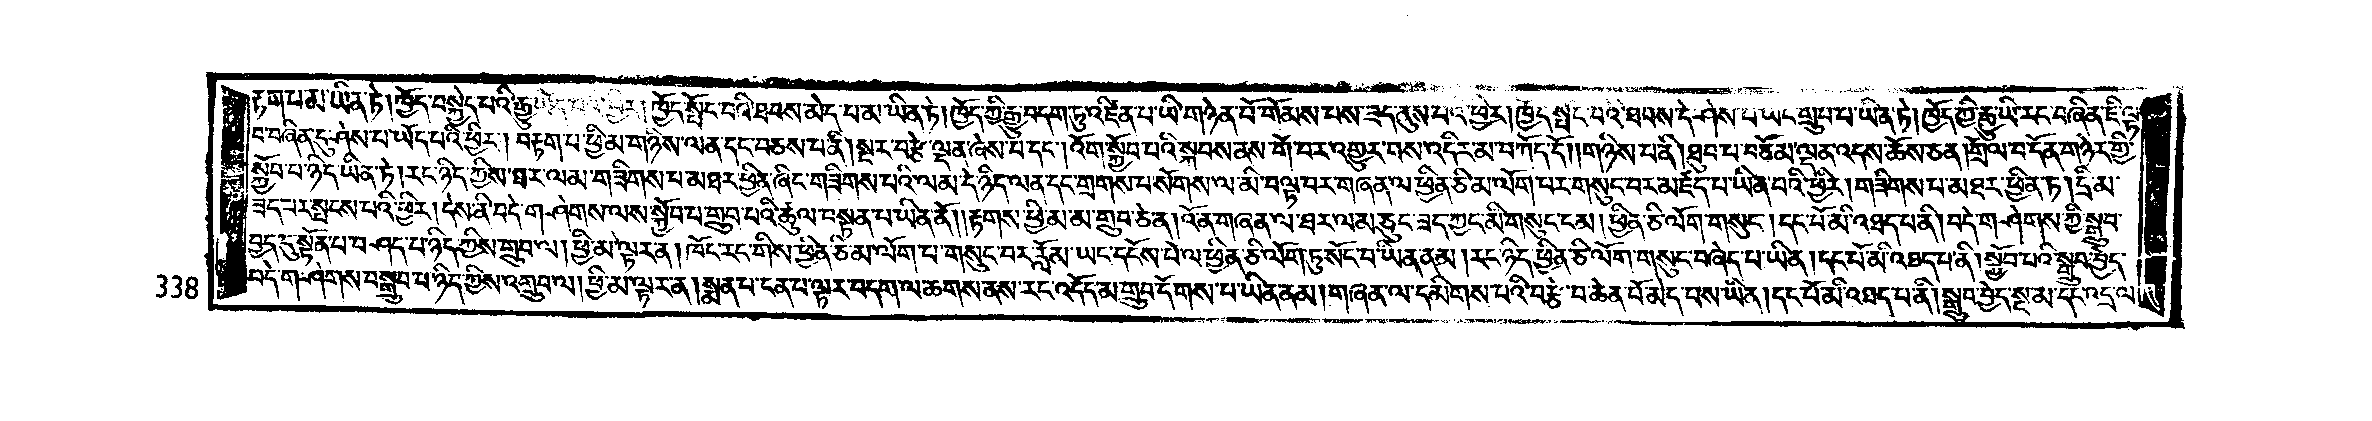རྟག་པ་མ་ཡིན་ཏེ། ཁྱོད་བསྐྱེད་པའི་རྒྱུ་ཡོད་པའི་ཕྱིར། ཁྱོད་སྤོང་བའི་ཐབས་མེད་པ་མ་ཡིན་ཏེ། ཁྱོད་ཀྱི་རྒྱུ་བདག་ཏུ་འཛིན་པ་ཡི་གཉེན་པོ་གོམས་པས་ཟད་ནུས་པའི་ཕྱིར། ཁྱོད་སྤོང་བའི་ཐབས་དེ་ཤེས་པ་ཡང་གྲུབ་པ་ཡིན་ཏེ། ཁྱོད་ཀྱི་རྒྱུ་ཡི་རང་བཞིན་ཇི་ལྟ་
བ་བཞིན་དུ་ཤེས་པ་ཡོད་པའི་ཕྱིར། བརྟག་པ་ཕྱི་མ་གཉིས་ལན་དང་བཅས་པ་ནི། སྔར་བརྩེ་ལྡན་ཞེས་པ་དང་། འོག་སྐྱོབ་པའི་སྐབས་ནས་གོ་བར་འགྱུར་བས་འདིར་མ་བཀོད་དོ། །གཉིས་པ་ནི། ཐུབ་པ་བཅོམ་ལྡན་འདས་ཆོས་ཅན་།གྲོལ་བ་དོན་གཉེར་གྱི་
སྐྱོབ་པ་ཉིད་ཡིན་ཏེ། རང་ཉིད་ཀྱིས་ཐར་ལམ་གཟིགས་པ་མཐར་ཕྱིན་ཞིང་གཟིགས་པའི་ལམ་དེ་ཉིད་ལན་དང་གྲགས་པ་སོགས་ལ་མི་བལྟ་བར་གཞན་ལ་ཕྱིན་ཅི་མ་ལོག་པར་གསུང་བར་མཛད་པ་ཡིན་པའི་ཕྱིར། གཟིགས་པ་མཐར་ཕྱིན་ཏ། དྲི་མ་
ཟད་པར་སྤངས་པའི་ཕྱིར། དེས་ནི་བདེ་གཤེགས་ལས་སྐྱོབ་པ་གྲུབ་པའི་ཚུལ་བསྟན་པ་ཡིན་ནོ། །རྟགས་ཕྱི་མ་མ་གྲུབ་ཅེ་ན། འོ་ན་གཞན་ལ་ཐར་ལམ་ཅུང་ཟད་ཀྱང་མི་གསུང་ངམ། ཕྱིན་ཅི་ལོག་གསུང་།དང་པོ་མི་འཐད་པ་ནི། བདེ་གཤེགས་ཀྱི་སྒྲུབ་
བྱད་དུ་སྟོན་པ་བཤད་པ་ཉིད་ཀྱིས་གྲུབ་ལ། ཕྱི་མི་ལྟར་ན། ཁོང་རང་གིས་ཕྱིན་ཅི་མ་ལོག་པ་གསུང་བར་རློམ་ཡང་དངོས་པོ་ལ་ཕྱིན་ཅི་ལོག་ཏུ་སོང་བ་ཡིན་ནམ། རང་ཉིད་ཕྱིན་ཅི་ལོག་གསུང་བཞེད་པ་ཡིན་།དང་པོ་མི་འཐད་པ་ནི། སྐྱོབ་པའི་སྒྲུབ་བྱེད་
བདེ་གཤེགས་བསྒྲུབ་པ་ཉིད་ཀྱིས་འགྲུབ་ལ། ཕྱི་མ་ལྟར་ན། སྨན་པ་ངན་པ་ལྟར་བདག་ལ་ཆགས་ནས་རང་འདོད་མ་གྲུབ་དོགས་པ་ཡིན་ནམ། གཞན་ལ་དམིགས་པའི་བརྩེ་བ་ཆེན་པོ་མེད་པས་ཡིན། དང་པོ་མི་འཐད་པ་ནི། སྒྲུབ་བྱེད་སྔ་མ་དང་འདྲ་ལ་